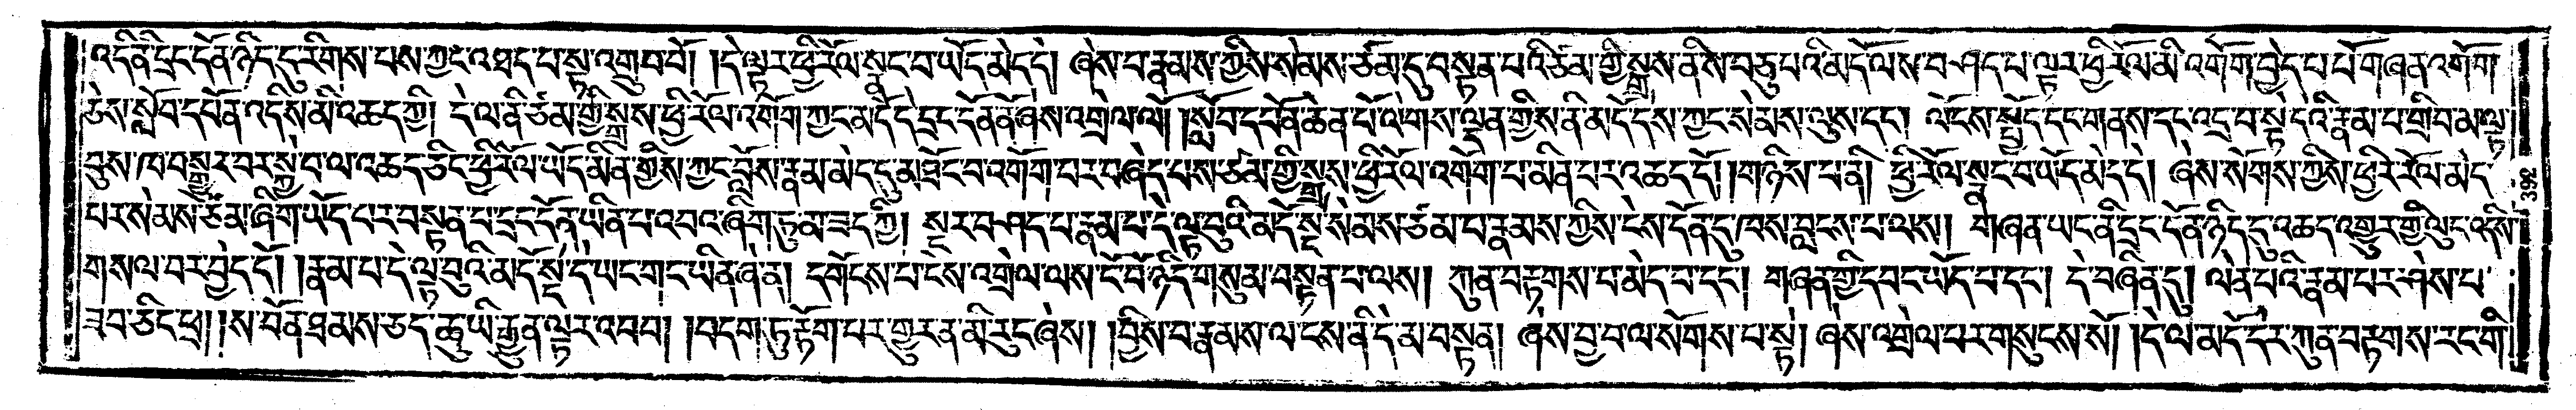འདི་ནི་དྲང་དོན་ཉིད་དུ་རིགས་པས་ཀྱང་འཐད་པ་སྟེ་འགྲུབ་བོ། །དེ་ལྟར་ཕྱི་རོལ་སྣང་བ་ཡོད་མེད་དོ། ཞེས་པ་རྣམས་ཀྱིས་སེམས་ཙམ་དུ་བསྟན་པའི་ཙམ་གྱི་སྒྲས་ནི་ས་བཅུ་པའི་མདོ་ལས་བཤད་པ་ལྟར་ཕྱི་རོལ་མི་འགོག་བྱེད་པ་པོ་གཞན་འགོག་
ཅེས་སློབ་དཔོན་འདིས་མི་འཆད་ཀྱི། དེ་ལ་ནི་ཙམ་གྱི་སྒྲས་ཕྱི་རོལ་འགོག་ཀྱང་མདོ་དེ་དྲང་དོན་ནོ་ཞེས་འགྲེལ་ལོ། །སློབ་དཔོན་ཆེན་པོ་ལེགས་ལྡན་གྱིས་ནི་མདོ་དེས་ཀྱང་སེམས་ལུས་དང་། ལོངས་སྤྱོད་དང་གནས་དང་འདྲ་བ་སྟེ་དེའི་རྣམ་པ་གྲིབ་མ་ལྟ་
བུས་ཁ་བསྒྱུར་བར་སྐྱེ་བ་ལ་འཆད་ཅིང་ཕྱི་རོལ་ཡོད་མིན་གྱིས་ཀྱང་བློས་རྣམ་མེད་དུ་མཐོང་བ་འགོག་པར་བཞེད་པས་ཙམ་གྱི་སྒྲས་ཕྱི་རོལ་འགོག་པ་མིན་པར་འཆད་དོ། །གཉིས་པ་ནི། ཕྱི་རོལ་སྣང་བ་ཡོད་མེད་དེ། ཞེས་སོགས་ཀྱིས་ཕྱི་རོལ་མེད་
པར་སེམས་ཙམ་ཞིག་ཡོད་པར་བསྟན་པ་དྲང་དོན་ཡིན་པ་འབའ་ཞིག་ཏུ་མ་ཟད་ཀྱི། སྔར་བཤད་པ་རྣམ་པ་དེ་ལྟ་བུའི་མདོ་སྡེ་སེམས་ཙམ་པ་རྣམས་ཀྱིས་ངེས་དོན་དུ་ཁས་བླངས་པ་ལས། གཞན་ཡང་ནི་དྲང་དོན་ཉིད་དུ་འཆད་འགྱུར་གྱི་ལུང་འདིས་
གསལ་བར་བྱེད་དོ། །རྣམ་པ་དེ་ལྟ་བུའི་མདོ་སྡེ་དེ་ཡང་གང་ཡིན་ཞེ་ན། དགོངས་པ་ངེས་འགྲེལ་ལས་ངོ་བོ་ཉིད་གསུམ་བསྟན་པ་ལས། ཀུན་བརྟགས་པ་མེད་པ་དང་། གཞན་གྱི་དབང་ཡོད་པ་དང་། དེ་བཞིན་དུ། ལེན་པའི་རྣམ་པར་ཤེས་པ་
ཟབ་ཅིང་ཕྲ། །ས་བོན་ཐམས་ཅད་ཆུ་ཡི་རྒྱུན་ལྟ་འབབ། །བདག་ཏུ་རྟོག་པར་གྱུར་ན་མི་རུང་ཞེས། །བྱིས་པ་རྣམས་ལ་ངས་ནི་དེ་མ་བསྟན། ཞེས་བྱ་བ་ལ་སོགས་པ་སྟེ། ཞེས་འགྲེལ་པར་གསུངས་སོ། །དེ་ལ་མདོ་དེར་ཀུན་བརྟགས་རང་གི་